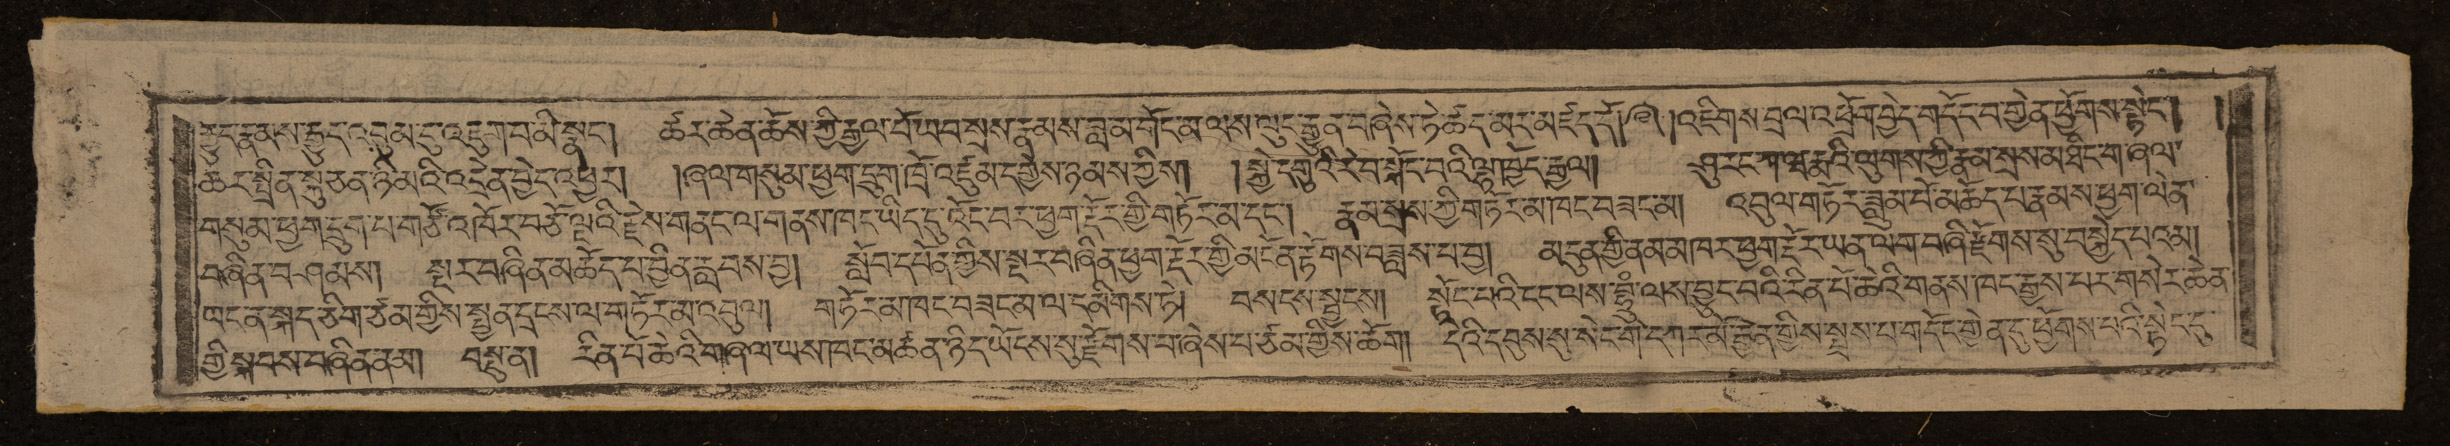རྒྱུད་རྣམས་རྒྱུད་འབུམ་དུ་འཇུག་པ་མི་སྣང་། ཚར་ཆེན་ཆོས་ཀྱི་རྒྱལ་པོ་ཡབ་སྲས་རྣམས་བླ་མ་གོང་མ་ལས་ལུང་རྒྱུན་བཞེས་ཏེ་ཚད་མར་མཛད་དོ། ༩?་།འཇིགས་བྲལ་འཕྲོག་བྱེད་གདོང་བ་གྱེན་ཕྱོགས་སྟེང་། །
ཆར་སྤྲིན་སྐུ་ཅན་ཉི་མའི་འདྲེན་བྱེད་འཕྱར། །ཞལ་གསུམ་ཕྱག་དྲུག་ཁྲོ་འཛུམ་དགྱེས་ཉམས་ཀྱིས། །སྐྱེ་དགུའི་རེ་བ་སྐོང་བའི་ལྷ་ཁྱོད་རྒྱལ། ཤུ་རང་ཀ་ཝརྨའི་ལུགས་ཀྱི་རྣམ་སྲས་མཐིང་ག་ཞལ་
གསུམ་ཕྱག་དྲུག་པ་གཙོ་འཁོར་བཅོ་ལྔའི་རྗེས་གནང་ལ་གནས་ཁང་ཡིད་དུ་འོང་བར་ཕྱག་རྡོར་གྱི་གཏོར་མ་དང་། རྣམ་སྲས་ཀྱི་གཏོར་མ་ཁང་བཟང་མ། འབུལ་གཏོར་ཟླུམ་པོ་མཆོད་པ་རྣམས་ཕྱག་ལེན་
བཞིན་བཤམས། སྔར་བཞིན་མཆོད་པ་བྱིན་རླབས་བྱ། སློབ་དཔོན་གྱིས་སྔར་བཞིན་ཕྱག་རྡོར་གྱི་མངོན་རྟོགས་བཟླས་པ་བྱ། མདུན་གྱི་ནམ་མཁར་ཕྱག་རྡོར་ཡན་ལག་བཞི་རྫོགས་སུ་བསྐྱེད་པའམ།
ཡང་ན་སྐད་ཅིག་ཙམ་གྱིས་སྤྱན་དྲངས་ལ་གཏོར་མ་འབུལ། གཏོར་མ་ཁང་བཟང་མ་ལ་དམིགས་ཏེ། བསངས་སྦྱངས། སྟོང་པའི་ངང་ལས་བྷྲུཾ་ལས་བྱུང་བའི་རིན་པོ་ཆེའི་གནས་ཁང་རྒྱས་པར་གསེར་ཆེན་
གྱི་སྐབས་བཞིན་ནམ། བསྡུ་ན། རིན་པོ་ཆེའི་གཞལ་ཡས་ཁང་མཚན་ཉིད་ཡོངས་སུ་རྫོགས་པ་ཞེས་པ་ཙམ་གྱིས་ཆོག། དེའི་དབུས་སུ་སེང་གེ་དཀར་མོ་རྒྱན་གྱིས་སྤྲས་པ་གདོང་གྱེན་དུ་ཕྱོགས་པའི་སྟེང་དུ་